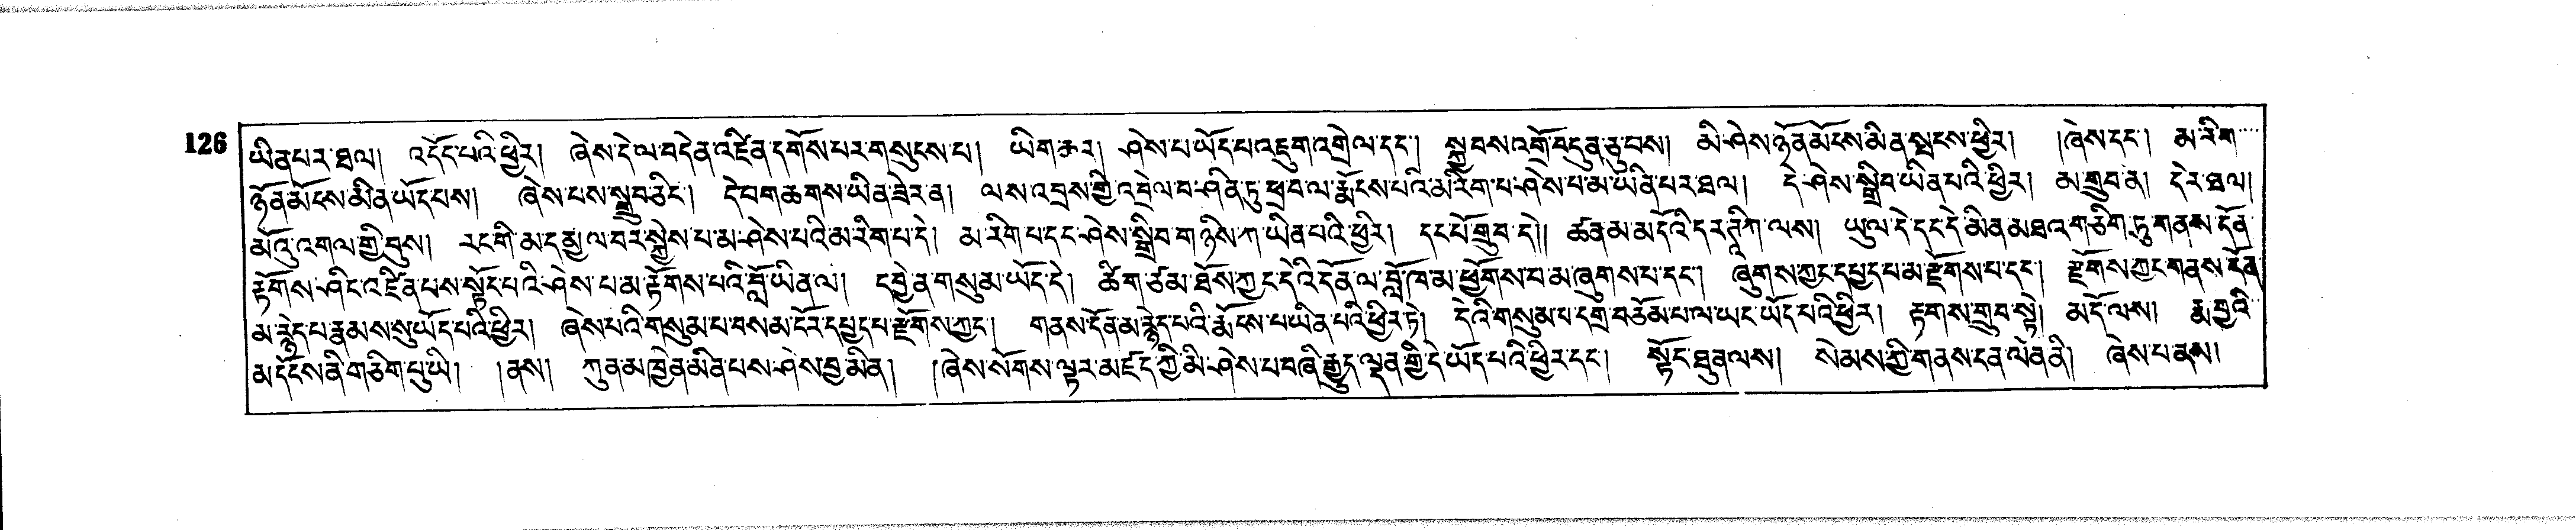ཡིན་པར་ཐལ། འདོད་པའི་ཕྱིར། ཞེས་དེ་ལ་བདེན་འཛིན་དགོས་པར་གསུངས་པ། ཡིག་ཆར། ཤེས་པ་ཡོད་པ་འཇུག་འགྲེལ་དང་། སྐྱབས་འགྲོ་བདུན་ཅུ་བས། མི་ཤེས་ཉོན་མོངས་མིན་སྤངས་ཕྱིར། །ཞེས་དང་། མ་རིག་
ཉོན་མོངས་མིན་ཡོད་པས། ཞེས་པས་སྒྲུབ་ཅིང་། དེ་བག་ཆགས་ཡིན་ཟེར་ན། ལས་འབྲས་གྱི་འབྲེལ་བ་ཤིན་ཏུ་ཕྲ་བ་ལ་རྨོངས་པའི་མ་རིག་པ་ཤེས་པ་མ་ཡིན་པར་ཐལ། དེ་ཤེས་སྒྲིབ་ཡིན་པའི་ཕྱིར། མ་གྲུབ་ན། དེར་ཐལ།
མོའུ་འགལ་གྱི་བུས། རང་གི་མ་དམྱལ་བར་སྐྱེས་པ་མ་ཤེས་པའི་མ་རིག་པ་དེ། མ་རིག་པ་དང་ཤེས་སྒྲིབ་གཉིས་ཀ་ཡིན་པའི་ཕྱིར། དང་པོ་གྲུབ་དེ། །ཚན་མ་མདོའི་དར་ཊཱིཀ་ལས། ཡུལ་དེ་དང་དེ་མིན་མཐའ་གཅིག་ཏུ་གནས་དོན་
རྟོགས་ཤིང་འཛིན་པས་སྟོང་པའི་ཤེས་པ་མ་རྟོགས་པའི་བློ་ཡིན་ལ། དབྱེ་ན་གསུམ་ཡོད་དེ། ཚིག་ཙམ་ཐོས་ཀྱང་དེའི་དོན་ལ་བློ་ཁ་མ་ཕྱོགས་པ་མ་ཞུགས་པ་དང་། ཞུགས་ཀྱང་དཔྱད་པ་མ་རྫོགས་པ་དང་། རྫོགས་ཀྱང་གནས་དོན་
མ་རྙེད་པ་རྣམས་སུ་ཡོད་པའི་ཕྱིར། ཞེས་པའི་གསུམ་པ་བསམ་ངོར་དཔྱད་པ་རྫོགས་ཀྱང་། གནས་དོན་མ་རྙེད་པའི་རྨོངས་པ་ཡིན་པའི་ཕྱིར་ཏེ། དེའི་གསུམ་པ་དགྲ་བཅོམ་པ་ལ་ཡང་ཡོད་པའི་ཕྱིར། རྟགས་གྲུབ་སྟེ། མདོ་ལས། རྨ་བྱའི་
མདོངས་ནི་གཅིག་པུ་ཡི། །ནས། ཀུན་མཁྱེན་མིན་པས་ཤེས་བྱ་མིན། །ཞེས་སོགས་ལྟར་མཛད་ཀྱི་མི་ཤེས་པ་བཞི་རྒྱུད་ལྡན་གྱི་དེ་ཡོད་པའི་ཕྱིར་དང་། སྟོང་ཐུན་ལས། སེམས་ཀྱི་གནས་ངན་ལེན་ནི། ཞེས་པ་ནས།